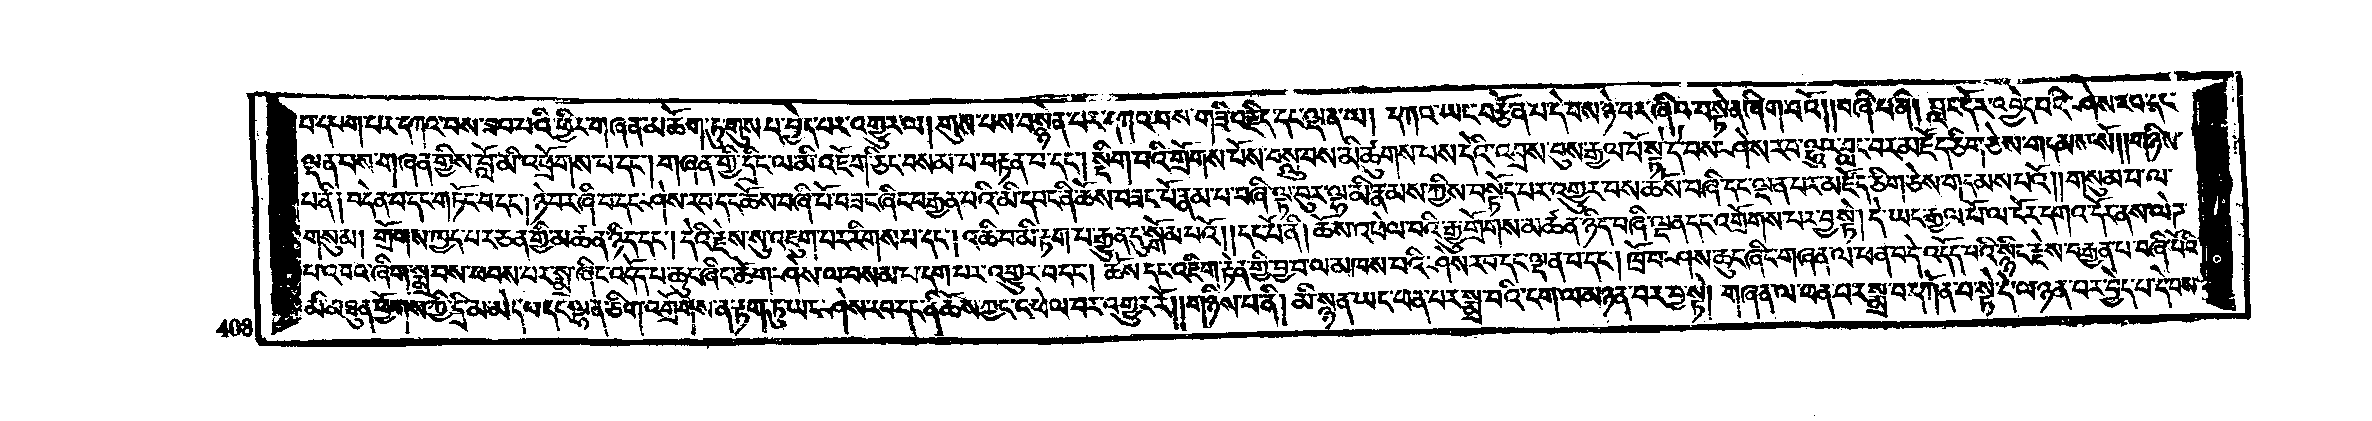པ་དཔག་པར་དཀའ་བས་ཟབ་པའི་ཕྱིར་གཞན་མཆོག་ཏུ་གུས་པ་བྱེད་པར་འགྱུར་ལ། གུས་པས་བསྙེན་པར་དཀའ་བས་གཟི་བརྗོད་དང་ལྡན་ལ། དཀའ་ཡང་བརྩོན་པ་དེ་བས་ཉེ་བར་ཞི་བ་བསྟེན་ཞིག་པའོ། །བཞི་པ་ནི། བླང་དོར་འབྱེད་པའི་ཤེས་རབ་དང་
ལྡན་པས་གཞན་གྱིས་བློ་མི་འཕྲོགས་པ་དང་། གཞན་གྱི་དྲིང་ལ་མི་འཇོག་ཅིང་བསམ་པ་བརྟན་པ་དང་། སྡིག་པའི་གྲོགས་པོས་བསླུབས་མི་ཚུགས་པས་དེའི་འབྲས་བུས་རྒྱལ་པོ་སྟེ་དེ་བས་ཤེས་རབ་ལྷུར་བླང་བར་མཛོད་ཅིག་ཅེས་གདམས་སོ། །གཉིས་
པ་ནི། བདེན་པ་དང་གཏོང་པ་དང་། ཉེ་བར་ཞི་བ་དང་ཤེས་རབ་དང་ཆོས་བཞི་པོ་བཟང་ཞིང་བརྒྱན་པའི་མི་དབང་ནི་ཆོས་བཟང་པོ་རྣམ་པ་བཞི་ལྟ་བུར་ལྷ་མི་རྣམས་ཀྱིས་བསྟོད་པར་འགྱུར་བས་ཆོས་བཞི་དང་ལྡན་པར་མཛོད་ཅིག་ཅེས་གདམས་པའོ། །གསུམ་པ་ལ་
གསུམ། གྲོགས་ཁྱད་པར་ཅན་གྱི་མཚན་ཉིད་དང་། དེའི་རྗེས་སུ་འཇུག་པར་རིགས་པ་དང་། འཆི་བ་མི་རྟག་པ་རྒྱུན་དུ་སྒོམ་པའོ། །དང་པོ་ནི། ཆོས་འཕེལ་བའི་རྒྱུ་གྲོགས་མཚན་ཉིད་བཞི་ལྡན་དང་འགྲོགས་པར་བྱ་སྟེ། དེ་ཡང་རྒྱལ་པོ་ལ་ངོར་དགའ་དོར་ནས་ལེགས་
པ་འབའ་ཞིག་སྨྲ་བས་ཕབས་པར་སྨྲ་ཞིང་འདོད་པ་ཆུང་ཞིང་ཆོག་ཤེས་ལ་བསམ་པ་དག་པར་འགྱུར་བ་དང་། ཆོས་དང་འཇིག་རྟེན་གྱི་བྱ་བ་ལ་མཁས་པའི་ཤེས་རབ་དང་ལྡན་པ་དང་། ཁྲོ་བ་ཤས་ཆུང་ཞིང་གཞན་ལ་ཕན་བདེ་འདོད་པའི་སྙིང་རྗེས་བརྒྱན་པ་བཞི་པོའི་
མི་མཐུན་ཕྱོགས་ཀྱི་དྲི་མ་མེད་པ་དང་ལྷན་ཅིག་འགྲོགས་ན་རྟག་ཏུ་ཡང་ཤེས་རབ་དང་ནི་ཆོས་ཀྱང་འཕེལ་བར་འགྱུར་རོ། །གཉིས་པ་ནི། མི་སྙན་ཡང་ཕན་པར་སྨྲ་བའི་ངག་ལ་མཉན་པར་བྱ་སྟེ། གཞན་ལ་ཕན་པར་སྨྲ་བ་དཀོན་པ་སྟེ་དེ་ལ་ཉན་པར་བྱེད་པ་དེ་བས་